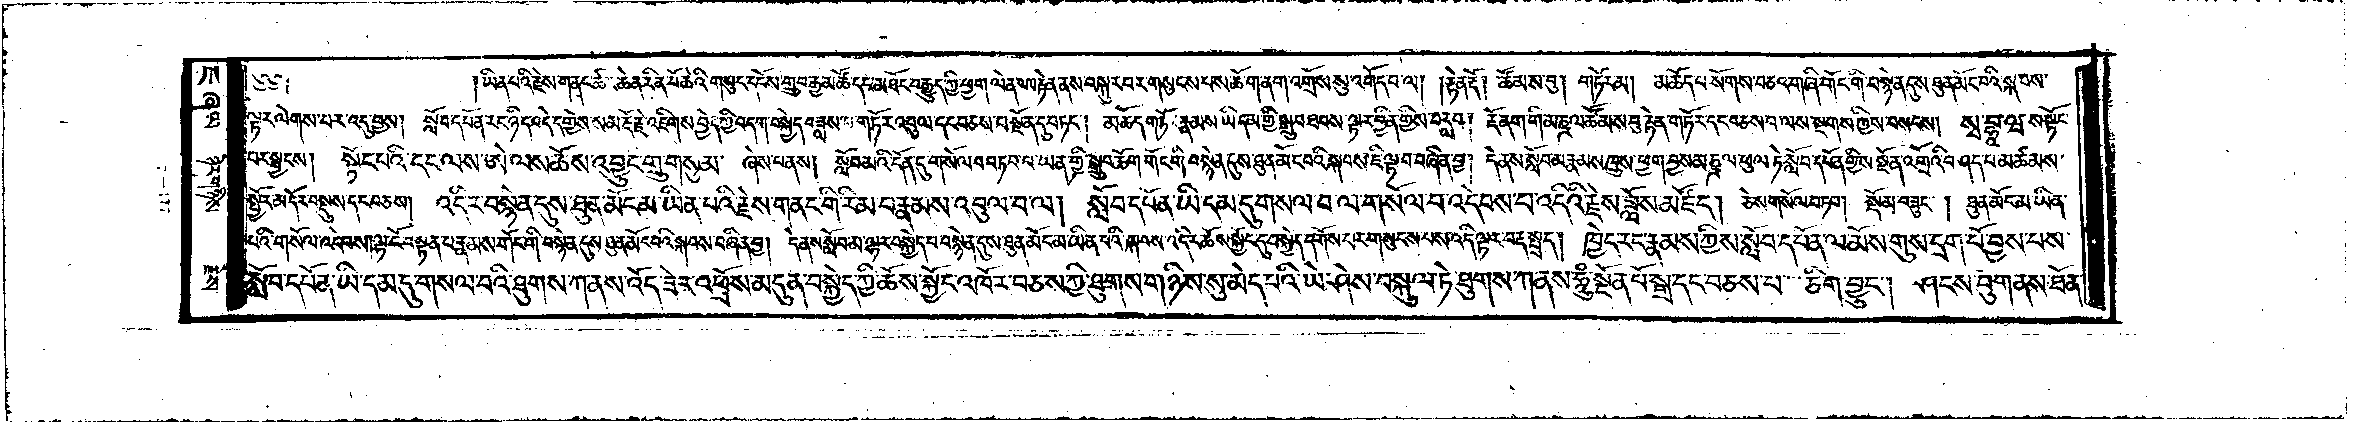༄༅། །ཡིན་པའི་རྗེས་གནང་ཚར་ཆེན་རིན་པོ་ཆེའི་གསུང་དངོས་གྲུབ་རྒྱ་མཚོ་དང་མཐོང་བརྒྱུད་གྱི་ཕྱག་ལེན་པ་བརྟེན་ནས་བསྐུར་བར་གསུངས་བས་ཆོ་ག་ནག་འགྲོས་སུ་འགོད་པ་ལ། །རྟེན་རྡོ། ཚོམས་བུ། གཏོར་མ། མཆོད་པ་སོགས་བཅའ་གཞི་གོང་གི་བསྙེན་དུས་ཐུན་མོང་བའི་སྐབས་
ལྟར་ལེགས་པར་འདུ་བྱས། སློབ་དཔོན་རང་ཉིད་བདེ་དགྱེས་སམ་རྡོ་རྗེ་འཇིགས་བྱེད་ཀྱི་བདག་བསྐྱེད་བཟླས་པ་གཏོར་འབུལ་དང་བཅས་པ་སྔོན་དུ་བཏང་། མཆོད་གཏོར་རྣམས་ཡི་དམ་གྱི་སྒྲུབ་ཐབས་ལྟར་བྱིན་གྱིས་བརླབ། རྡོ་ནག་གི་མཎྜལ་ཚོམས་བུ་རྟེན་གཏོར་དང་བཅས་པ་ལས་སྔགས་ཀྱིས་བསངས། སྭ་བྷཱ་ཝས་སྟོང་
བར་སྦྱངས། སྟོང་པའི་ངང་ལས་ཨེ་ལས་ཆོས་འབྱུང་གྲུ་གསུམ་ཞེས་པ་ནས། སློབ་མའི་དོན་དུ་གསོལ་བ་བཏབ་པ་མན་གྱི་སྒྲུབ་ཆོག་གོང་གི་བསྙེན་དུས་ཐུན་མོང་བའི་སྐབས་ཇི་ལྟ་བ་བཞིན་བྱ། དེ་ནས་སློབ་མ་རྣམས་ཁྲུས་ཕྱག་བྱས་མཎྜལ་བུལ་ཏེ་སློབ་དཔོན་གྱིས་སྔོན་འགྲོའི་བཤད་པ་མཚམས་
སྦྱོར་མདོར་བསྡུས་དང་བཅས། འདིར་བསྙེན་དུས་ཐུན་མོང་མ་ཡིན་པའི་རྗེས་གནང་གི་རིམ་བ་རྣམས་འབུལ་ཕ་ལ། སློབ་དཔོན་ཡི་དམ་དུ་གསལ་བ་ལ་གསོལ་བ་འདེབས་པ་འདིའི་རྗེས་ཟློས་མཛོད། ཅེས་གསོལ་བཏབ། སྡོམ་བཟུང་། ཐུན་མོང་མ་ཡིན་
པའི་གསོལ་འདེབས་།ལྷ་ངོ་བསྟན་བ་རྣམས་གོང་གི་བསྙེན་དུས་ཐུན་མོང་བའི་སྐབས་བཞིན་བྱ། དེ་ནས་སློབ་མ་ལྷང་བསྐྱེད་པ་བསྙེན་དུས་ཐུན་མོང་མ་ཡིན་པའི་སྐབས་འདིར་ཆོས་སྐྱོང་དུ་བསྐྱེད་དགོས་པར་གསུངས་པས་འདི་ལྟར་བརྡ་སྤྲད། ཁྱེད་རང་རྣམས་ཀྱིས་སློབ་དཔོན་ལ་མོས་གུས་དྲག་པོ་བྱས་བས་
སློབ་དཔོན་ཡི་དམ་དུ་གསལ་བའི་ཐུགས་ཀ་ནས་འོད་ཟེར་འཕྲོས་མདུན་བསྐྱེད་ཀྱི་ཆོས་སྐྱོང་འཁོར་བཅས་ཀྱི་ཐུགས་གཉིས་སུ་མེད་པའི་ཡེ་ཤེས་བསྐུལ་ཏེ་ཐུགས་ཀ་ནས་ཧཱུཾ་སྔོན་པོ་སྒྲ་དང་བཅས་པ་ཅིག་བྱུང་། ཤངས་བུ་གནས་ཐོན་